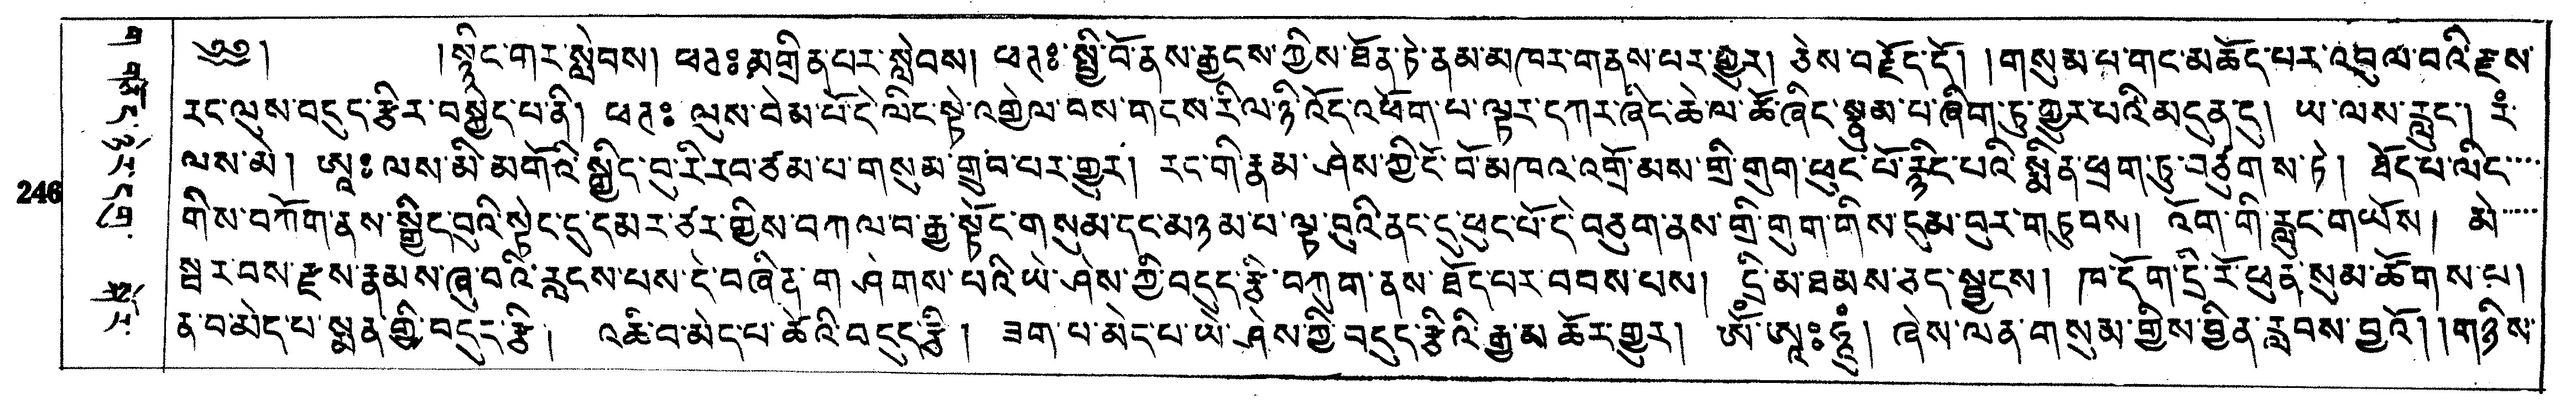༄༅། །སྙིང་གར་སླེབས། ཕཊཿ མགྲིན་པར་སླེབས། ཕཊཿ སྤྱི་བོ་ནས་རྒྱངས་ཀྱིས་ཐོན་ཏེ་ནམ་མཁར་གནས་པར་གྱུར། ཅེས་བརྗོད་དོ། །གསུམ་པ་གང་མཆོད་པར་འབུལ་བའི་རྫས་
རང་ལུས་བདུད་རྩིར་བསྐྱེད་པ་ནི། ཕཊཿ ལུས་བེམ་པོ་དེ་ལིང་སྟེ་འགྱེལ་བས་གངས་རིལ་ཉི་འོད་འཕོག་པ་ལྟར་དཀར་ཞིང་ཆེ་ལ་ཚོ་ཞིང་སྣུམ་པ་ཞིག་ཏུ་གྱུར་པའི་མདུན་དུ། ཡ་ལས་རླུང་། རཾ་
ལས་མེ། ཨཱཿ ལས་མི་མགོའི་སྐྱེད་བུ་རི་རབ་ཙམ་པ་གསུམ་གྲུབ་པར་གྱུར། རང་གི་རྣམ་ཤེས་ཀྱི་ངོ་བོ་མཁའ་འགྲོ་མས་གྲི་གུག་ཕུང་པོ་རྙིང་པའི་སྨིན་ཕྲག་ཏུ་བཙུགས་ཏེ། ཐོད་པ་ལིང་
གིས་བཀོག་ནས་སྒྱིད་བུའི་སྟེང་དུ་དམར་ཙར་གྱིས་བཀལ་བ་རྒྱ་སྟོང་གསུམ་དང་མཉམ་པ་ལྟ་བུའི་ནང་དུ་ཕུང་པོ་དེ་བཅུག་ནས་གྲི་གུག་གིས་དུམ་བུར་གཏུབས། འོག་གི་རླུང་གཡོས། མེ་
སྦར་བས་རྫས་རྣམས་ཞུ་བའི་རླངས་པས་དེ་བཞིན་གཤེགས་པའི་ཡེ་ཤེས་ཀྱི་བདུད་རྩི་བཀུག་ནས་ཐོད་པར་བབས་པས། དྲི་མ་ཐམས་ཅད་སྦྱངས། ཁ་དོག་དྲི་རོ་ཕུན་སུམ་ཚོགས་པ།
ན་བ་མེད་པ་སྨན་གྱི་བདུད་རྩི། འཆི་བ་མེད་པ་ཚེའི་བདུད་རྩི། ཟག་པ་མེད་པ་ཡེ་ཤེས་ཀྱི་བདུད་རྩིའི་རྒྱ་མཚོར་གྱུར། ཨོཾ་ཨཱཿ ཧཱུཾ། ཞེས་ལན་གསུམ་གྱིས་བྱིན་རླབས་བྱའོ། །གཉིས་